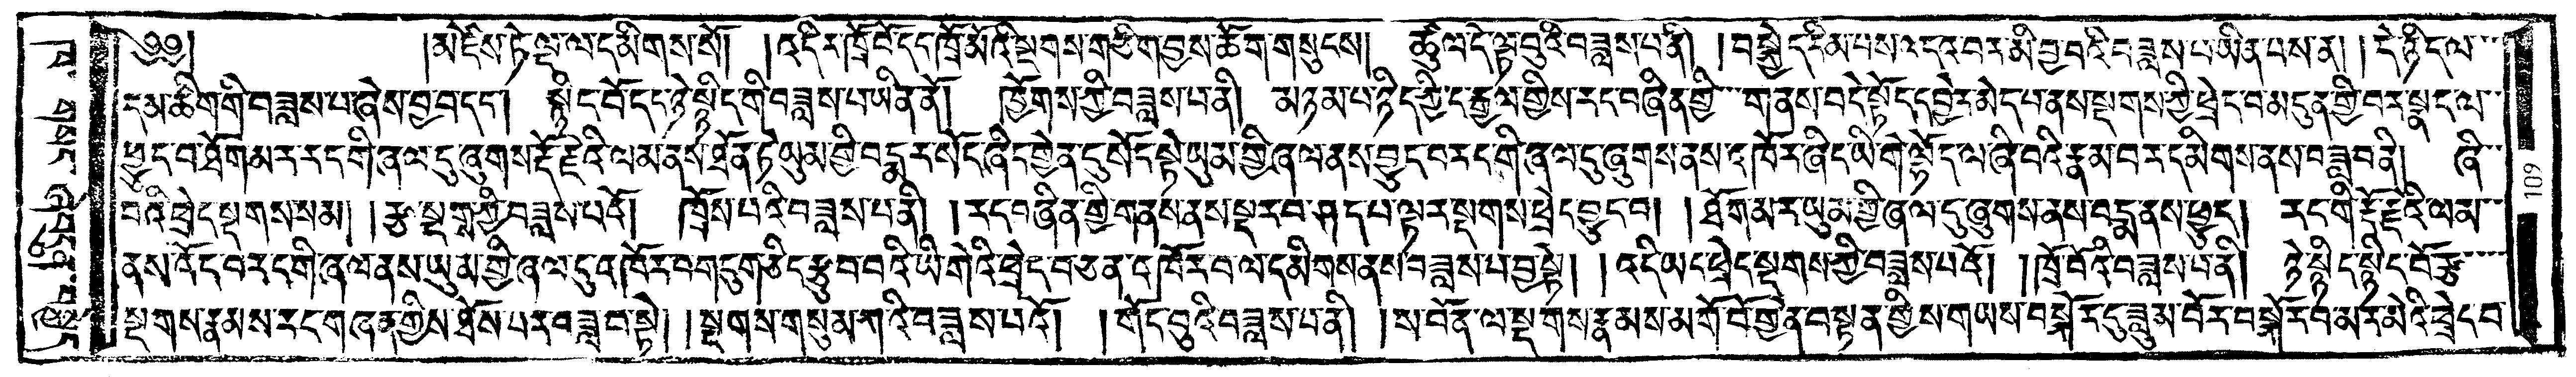༄༅། །མཛེས་ཏེ་ལྔ་ལ་དམིགས་སོ། །འདིར་ཁྲོ་བོ་དང་ཁྲོ་མོའི་སྔགས་གཅིག་བྱས་ཆོག་གསུངས། ཚུལ་དེ་ལྟ་བུའི་བཟླས་པ་ནི། །བསྐྱེད་རིམ་པས་འདའ་བར་མི་བྱ་བའི་བཟླས་པ་ཡིན་པས་ན། །དེ་ཉིད་ལ་
དམ་ཚིག་གི་བཟླས་པ་ཞེས་བྱ་བ་དང་། སྙིང་པོ་དང་ཉེ་སྙིང་གི་བཟླས་པ་ཡིན་ནོ། ཁྱོགས་ཀྱི་བཟླས་པ་ནི། མཉམ་པ་ཉིད་ཀྱི་ང་རྒྱལ་གྱིས་རང་བཞིན་གྱི་གནས་བདེ་སྟོང་དབྱེར་མེད་པ་ནས་སྔགས་ཀྱི་ཕྲེང་བ་མདུན་གྱི་བར་སྣང་ལ་
ཕྱུང་བ་ཐོག་མར་རང་གི་ཞལ་དུ་ཞུགས་རྡོ་རྗེའི་ལམ་ནས་ཐོན་ཏེ་ཡུམ་གྱི་པདམར་སོང་ཞིང་གྱེན་དུ་སོང་སྟེ་ཡུམ་གྱི་ཞལ་ནས་བྱུང་བ་རང་གི་ཞལ་དུ་ཞུགས་ནས་འཁོར་ཞིང་ཡི་གེ་ལྷོད་ལ་ཞི་བའི་རྣམ་བར་དམིགས་ནས་བཟླ་བ་ནི། ཞི་
བའི་ཕྲེང་སྔགས་སམ། །རྩ་སྔགས་ཀྱི་བཟླས་པའོ། ཁྲོས་པའི་བཟླས་པ་ནི། །རང་བཞིན་གྱི་གནས་ནས་སྔར་བཤད་པ་ལྟར་སྔགས་ཕྲེང་བྱུང་བ། །ཐོག་མར་ཡུམ་གྱི་ཞལ་དུ་ཞུགས་ནས་པདམ་ནས་ཕྱུང་། རང་གི་རྡོ་རྗེའི་ལམ་
ནས་འོད་བ་རང་གི་ཞལ་ནས་ཡུམ་གྱི་ཞལ་དུ་འཁོར་བ་གདུག་ཅིང་རྩུབ་བའི་ཡི་གེའི་ཕྲེང་བ་ཅན་འཁོར་བ་ལ་དམིགས་ནས་བཟླས་པ་བྱ་སྟེ། །འདི་ཡང་ཕྲེང་སྔགས་ཀྱི་བཟླས་པའོ། །ཁྲོ་བོའི་བཟླས་པ་ནི། ཉེ་སྙིང་སྙིང་པོ་རྩ་
སྔགས་རྣམས་རང་གཞན་གྱིས་ཐོས་པར་བཟླ་བ་སྟེ། །སྔགས་གསུམ་ཀའི་བཟླས་པའོ། །གོང་བུའི་བཟླས་པ་ནི། །ས་བོན་ལ་སྔགས་རྣམས་མགོ་བོ་གྱེན་བསྟན་གྱིས་གཡས་བསྐོར་དུ་ཟླུམ་བོར་བསྐོར་བ་མར་མེའི་ཕྲེང་བ་